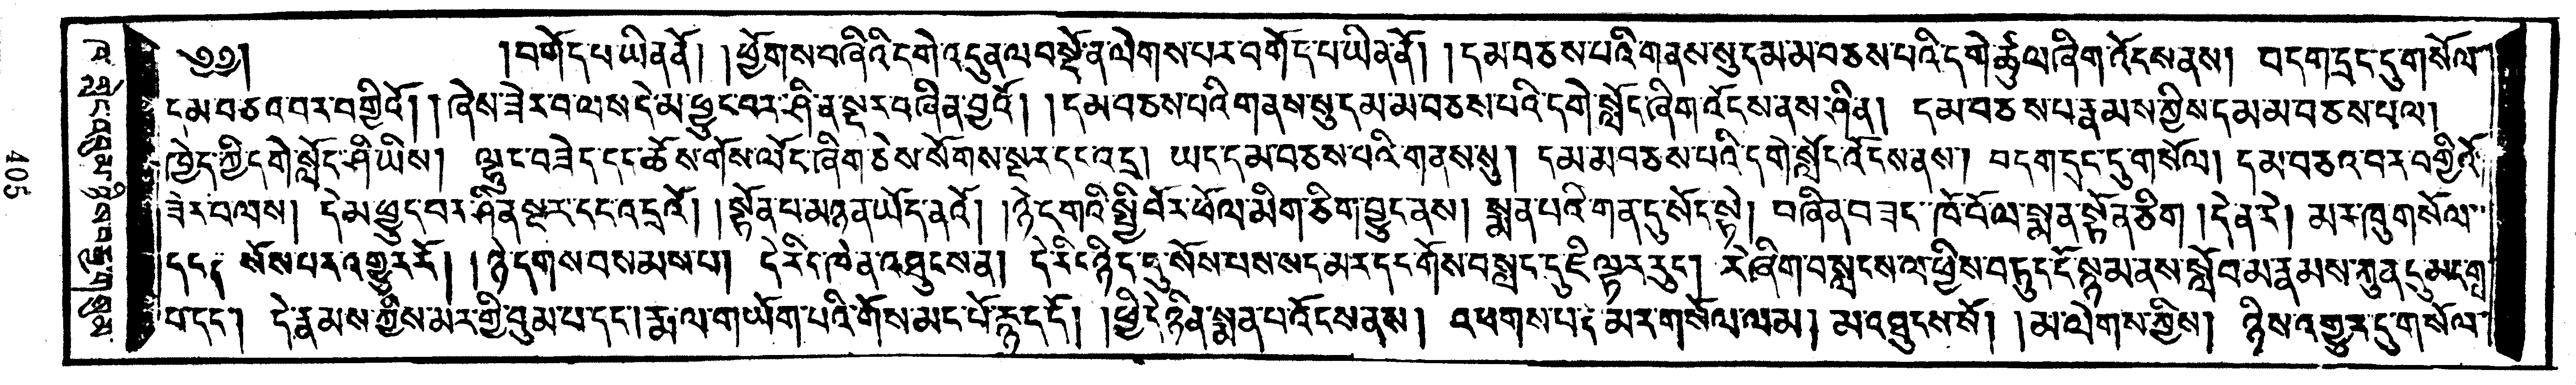༄༅། །བགོད་པ་ཡིན་ནོ། །ཕྱོགས་བཞིའི་དགེ་འདུན་ལ་བསྔོ་ན་ལེགས་པར་བགོད་པ་ཡིན་ནོ། །དམ་བཅས་པའི་གནས་སུ་དམ་མ་བཅས་པའི་དགེ་ཚུལ་ཞིག་འོངས་ནས། བདག་དྲང་དུ་གསོལ་
དམ་བཅའ་བར་བགྱིའོ། །ཞེས་ཟེར་བ་ལས་དེ་མ་ཕྱུང་བར་ཤི་ན་སྔར་བཞིན་བྱའོ། །དམ་བཅས་པའི་གནས་སུ་དམ་མ་བཅས་པའི་དགེ་སློང་ཞིག་འོངས་ནས་ཤིན། དམ་བཅས་པ་རྣམས་ཀྱིས་དམ་མ་བཅས་པ་ལ།
ཁྱེད་ཀྱི་དགེ་སློང་ཤི་ཡིས། ལྷུང་བཟེད་དང་ཆོས་གོས་ལོང་ཞིག་ཅེས་སོགས་སྔར་དང་འདྲ། ཡང་དམ་བཅས་པའི་གནས་སུ། དམ་མ་བཅས་པའི་དགེ་སློང་འོངས་ནས། བདག་དྲང་དུ་གསོལ། དམ་བཅའ་བར་བགྱིའོ་
ཟེར་བ་ལས། དེ་མ་ཕྱུང་བར་ཤིན་སྔར་དང་འདྲའོ། །སྟོན་པ་མཉན་ཡོད་ནའོ། །ཉེ་དགའི་སྤྱི་བོར་ཕོལ་མིག་ཅིག་བྱུང་ནས། སྨན་པའི་གན་དུ་སོང་སྟེ། བཞིན་བཟང་ཁོ་བོ་ལ་སྨན་སྟོན་ཅིག །དེ་ན་རེ། མར་ཁུ་གསོལ་
དང༑ སོས་པར་འགྱུར་རོ། །ཉེ་དགས་བསམས་པ། དེ་རིང་ཁེ་ན་འཐུངས་ན། དེ་རིང་ཉིད་དུ་སོས་པས་སད་མར་དང་གོས་བསླང་དུ་ཇི་ལྟར་རུང་། རེ་ཞིག་བསླངས་ལ་ཕྱིས་བཏུད་ངོ་སྙམ་ནས་སློབ་མ་རྣམས་ཀུན་དུ་མང་མངགས་
པ་དང་། དེ་རྣམས་ཀྱིས་མར་གྱི་བུམ་པ་དང་། རྨ་ལ་གཡོག་པའི་གོས་མང་པོ་རྙད་དོ། །ཕྱི་དེ་ཉིན་སྨན་པ་འོངས་ནས། འཕགས་པ་མར་གསོལ་ལམ། མ་འཐུངས་སོ། །མ་ལེགས་ཀྱིས། ཉིས་འགྱུར་དུ་གསོལ་